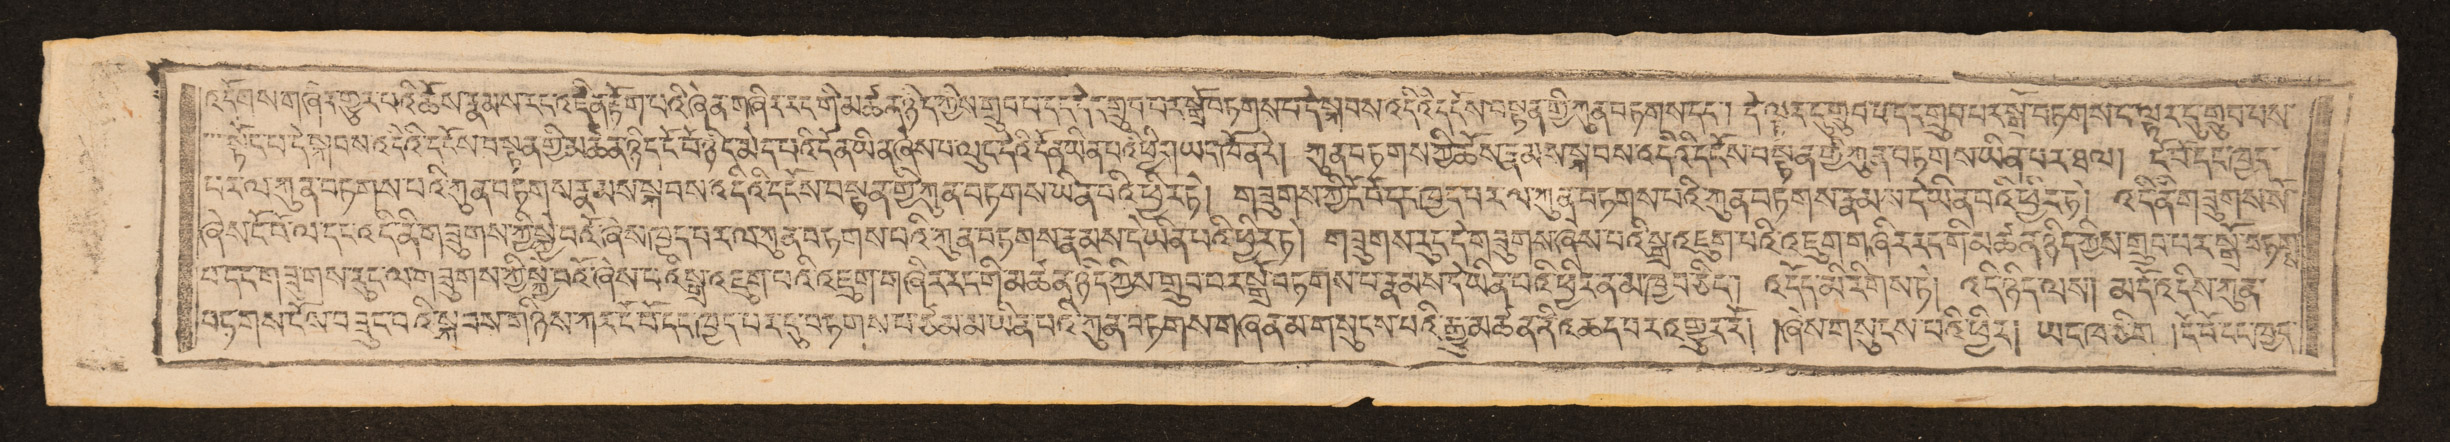འདོགས་གཞིར་གྱུར་པའི་ཆོས་རྣམས་རང་འཛིན་རྟོག་པའི་ཞེན་གཞིར་རང་གི་མཚན་ཉིད་ཀྱིས་གྲུབ་པ་དང་དེ་འགྲུབ་པར་སྒྲོ་བཏགས་པ་དེ་སྐབས་འདིའི་དངོས་བསྟན་གྱི་ཀུན་བཏགས་དང་། དེ་ལྟར་དུ་གྲུབ་པ་དང་གྲུབ་པར་སྒྲོ་བཏགས་པ་ལྟར་དུ་གྲུབ་པས་
སྟོང་པ་དེ་སྐབས་འདིའི་དངོས་བསྟན་གྱི་མཚན་ཉིད་ངོ་བོ་ཉིད་མེད་པའི་དོན་ཡིན་ཞེས་པ་ལུང་དེའི་དོན་ཡིན་པའི་ཕྱིར། ཡང་ཁོ་ན་རེ། ཀུན་བཏགས་ཀྱི་ཆོས་རྣམས་སྐབས་འདིའི་དངོས་བསྟན་གྱི་ཀུན་བཏགས་ཡིན་པར་ཐལ། ངོ་བོ་དང་ཁྱད་
པར་ལ་ཀུན་བཏགས་པའི་ཀུན་བཏགས་རྣམས་སྐབས་འདིའི་དངོས་བསྟན་གྱི་ཀུན་བཏགས་ཡིན་པའི་ཕྱིར་ཏེ། གཟུགས་ཀྱི་ངོ་བོ་དང་ཁྱད་པར་ལ་ཀུན་བཏགས་པའི་ཀུན་བཏགས་རྣམས་དེ་ཡིན་པའི་ཕྱིར་ཏེ། འདི་ནི་གཟུགས་སོ་
ཞེས་ངོ་བོ་ལ་དང་འདི་ནི་གཟུགས་ཀྱི་སྐྱེ་བའོ་ཞེས་ཁྱད་པར་ལ་ཀུན་བཏགས་པའི་ཀུན་བཏགས་རྣམས་དེ་ཡིན་པའི་ཕྱིར་ཏེ། གཟུགས་རུང་དེ་གཟུགས་ཞེས་པའི་སྒྲ་འཇུག་པའི་འཇུག་གཞིར་རང་གི་མཚན་ཉིད་ཀྱིས་གྲུབ་པར་སྒྲོ་བཏགས་
པ་དང་གཟུགས་རུང་ལ་གཟུགས་ཀྱི་སྐྱེ་བའོ་ཞེས་པའི་སྒྲ་འཇུག་པའི་འཇུག་གཞིར་རང་གི་མཚན་ཉིད་ཀྱིས་གྲུབ་པར་སྒྲོ་བཏགས་པ་རྣམས་དེ་ཡིན་པའི་ཕྱིར་ན་མ་ཁྱབ་ཅིང་། འདོད་མི་རིགས་ཏེ། འདི་ཉིད་ལས་མདོ་འདིས་ཀུན་
བཏགས་ངོས་བཟུང་པའི་སྐབས་གཉིས་ཀར་ངོ་བོ་དང་ཁྱད་པར་དུ་བཏགས་པ་ཙམ་མ་ཡིན་པའི་ཀུན་བཏགས་གཞན་མ་གསུངས་པའི་རྒྱུ་མཚན་ནི་འཆད་པར་འགྱུར་རོ། །ཞེས་གསུངས་པའི་ཕྱིར། ཡང་ཁ་ཅིག །ངོ་བོ་དང་ཁྱད་